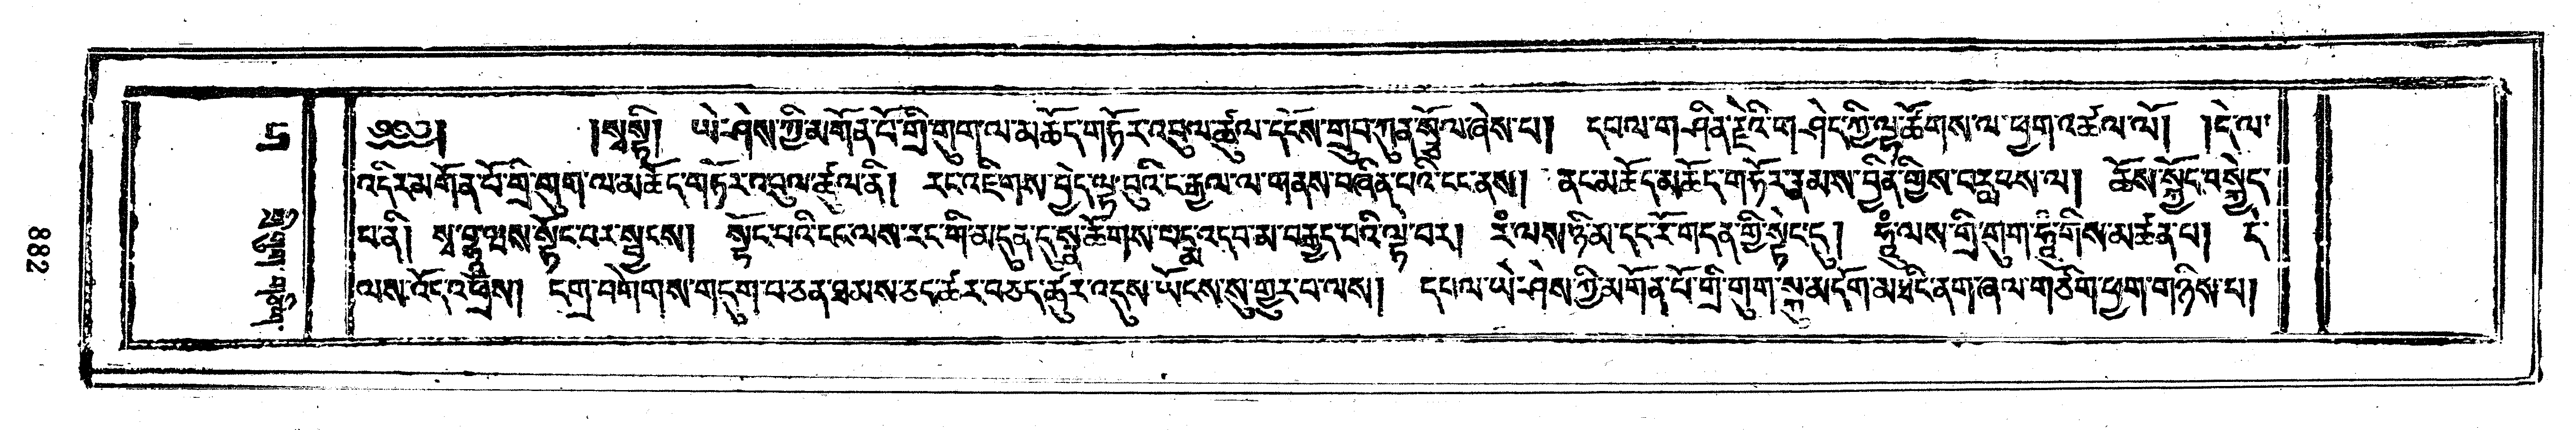༄༅༅། །སྭ་སྟི། ཡེ་ཤེས་ཀྱི་མགོན་པོ་གྲི་གུག་ལ་མཆོད་གཏོར་འབུལ་ཚུལ་དངོས་གྲུབ་ཀུན་སྩོལ་ཞེས་པ། དཔལ་གཤིན་རྗེའི་གཤེད་ཀྱི་ལྷ་ཚོགས་ལ་ཕྱག་འཚལ་ལོ། །དེ་ལ་
འདིར་མགོན་པོ་གྲི་གུག་ལ་མཆོད་གཏོར་འབུལ་ཚུལ་ནི། རང་འཇིགས་བྱེད་ལྟ་བུའི་ང་རྒྱལ་ལ་གནས་བཞིན་པའི་ངང་ནས། ནང་མཆོད་མཆོད་གཏོར་རྣམས་བྱིན་གྱིས་བརླབས་ལ། ཆོས་སྐྱོང་བསྐྱེད་
པ་ནི། སྭ་བྷཱ་ཝས་སྟོང་པར་སྦྱངས། སྟོང་པའི་ངང་ལས་རང་གི་མདུན་དུ་སྣ་ཚོགས་པདམ་འདབ་མ་བརྒྱད་པའི་ལྟ་བར། རཾ་ལས་ཉི་མ་དང་རོ་གདན་གྱི་སྟེང་དུ། ཧཱུཾ་ལས་གྲི་གུག་ཧཱུཾ་གིས་མཚན་པ། དེ་
ལས་འོད་འཕྲོས། དགྲ་བགེགས་གདུག་པ་ཅན་ཐམས་ཅད་ཚར་བཅད་ཚུར་འདུས་ཡོངས་སུ་གྱུར་པ་ལས། དཔལ་ཡེ་ཤེས་ཀྱི་མགོན་པོ་གྲི་གུག་སྐུ་མདོག་མཐིང་ནག་ཞལ་གཅིག་ཕྱག་གཉིས་པ།